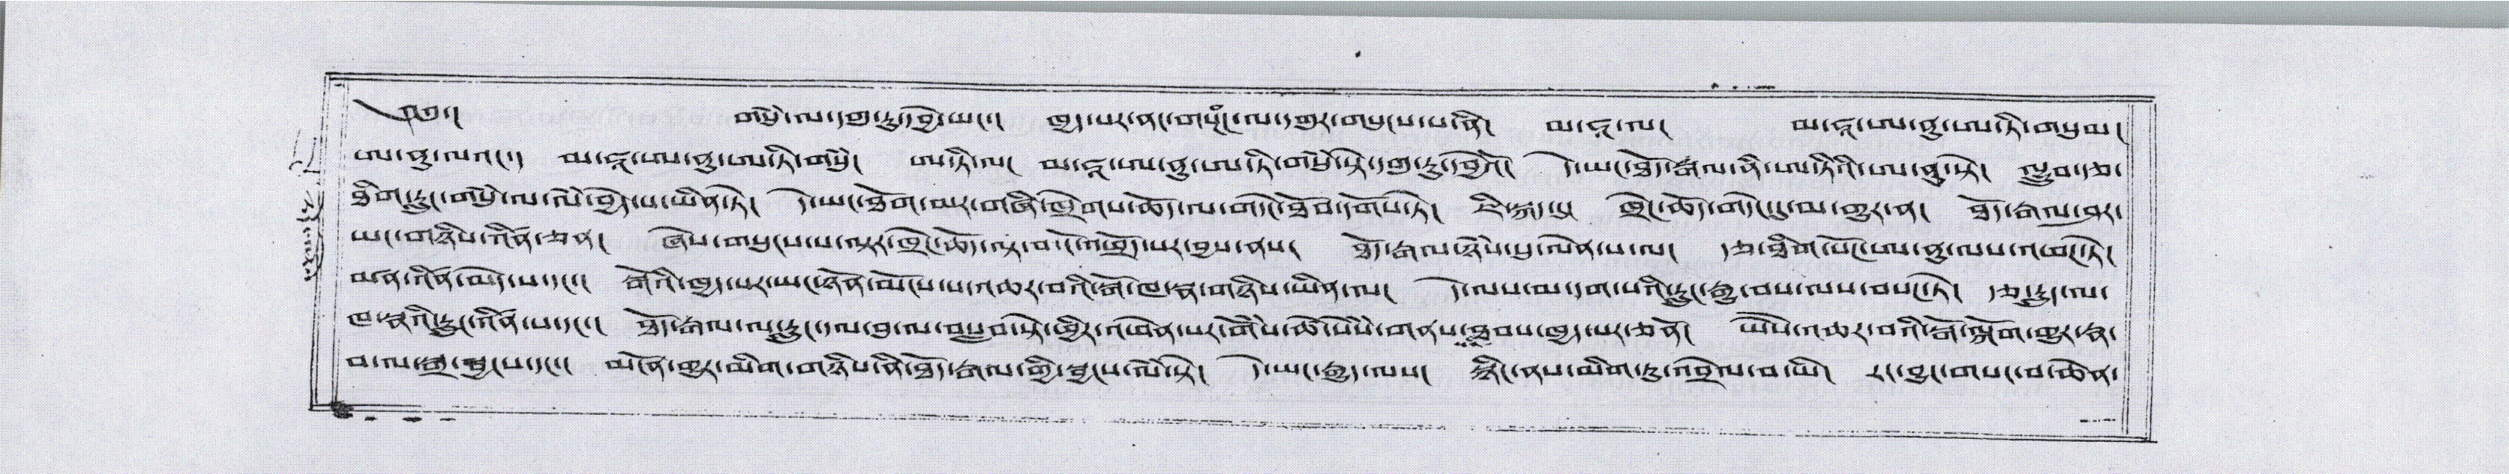གསུམ་ལ་དགུ་རུ་དབྱེ་ཡང་། ཁྱད་པར་ནང་གསང་སྔགས་ལ་དགུར་གསུངས་པ་ནི། མ་ཧཱ་ལ། མ་ཧཱ་ཨ་ནུ་ཨ་ཏི་གསུམ། 
ཨ་ནུ་ལའང་མ་ཧ་ཨ་ནུ་ཨ་ཏི་གསུམ། ཨ་ཏི་ལ། མ་ཧཱ་ཨ་ནུ་ཨ་ཏི་གསུམ་སྟེ་དགུར་དབྱེའོ། དེ་ཡང་ཐོད་རྒལ་ནི་ཨ་ནུའི་ཨ་ཏི་སྟེ། ལྷུན་གྲུབ་རྩ་
ཐིག་རླུང་གསུམ་ལ་ལམ་བྱེད་པ་ཡིན་ཏེ། དེ་ཡང་ཐོག་མར་གཞི་ཁྲེག་ཆོད་ལ་གདེང་ཐོབ་དགོས་ཏེ། ཇི་སྐད་དུ་ཁྲེག་ཆོད་གདེང་དུ་མ་གྱུར་ན། ཐོད་རྒལ་ཤར་
ཡང་གཉིས་འཛིན་ཅན། ཞེས་གསུངས་པ་ལྟར། ཁྲེག་ཆོད་ལྟ་བ་ངོ་འཕྲོད་པར་བྱས་ནས་ཐོད་རྒལ་ཉམས་སུ་ལེན་པ་ལ། རྩ་ཐིག་སོགས་ཨ་ནུ་ལས་འཕགས་ཏེ། 
མཚན་འཛིན་མེད་པ་དང་། སྒོ་ཡི་ཁྱད་པར་ཡང་ཉོན་མོངས་པ་འཆར་བའི་སྒོ་ཁ་སྣ་གཉིས་ཡིན་ལ། དེ་ལས་མ་དག་པའི་རླུང་རྒྱུ་བས་ལས་བསགས་ཏེ་རྩ་རླུང་ལ་
ཁ་སྣའི་རླུང་འཛིན་པ་དང་། ཐོད་རྒལ་ལ་རླུང་དལ་བུ་ལ་བསླབས་ཏེ་ཕྱིར་འཕེན་པར་གོམས་ཚེ་སེམས་གནས་པའི་ཐབས་ཁྱད་པར་ཅན་ནོ། ཡེ་ཤེས་འཆར་བའི་སྒོ་ལྐོག་གྱུར་རྣ་
བ་ལ་སྒྲ་སྦྱངས་དང་། །མངོན་གྱུར་མིག་གཉིས་ནི་ཐོད་རྒལ་གྱི་སྦྱངས་ལམ་སྟེ། དེ་ཡང་རྒྱུད་ལས། སྙིང་ནས་མིག་ཏུ་འབྲེལ་བ་ཡི། རང་བྱུང་གསང་བ་ཆེན་